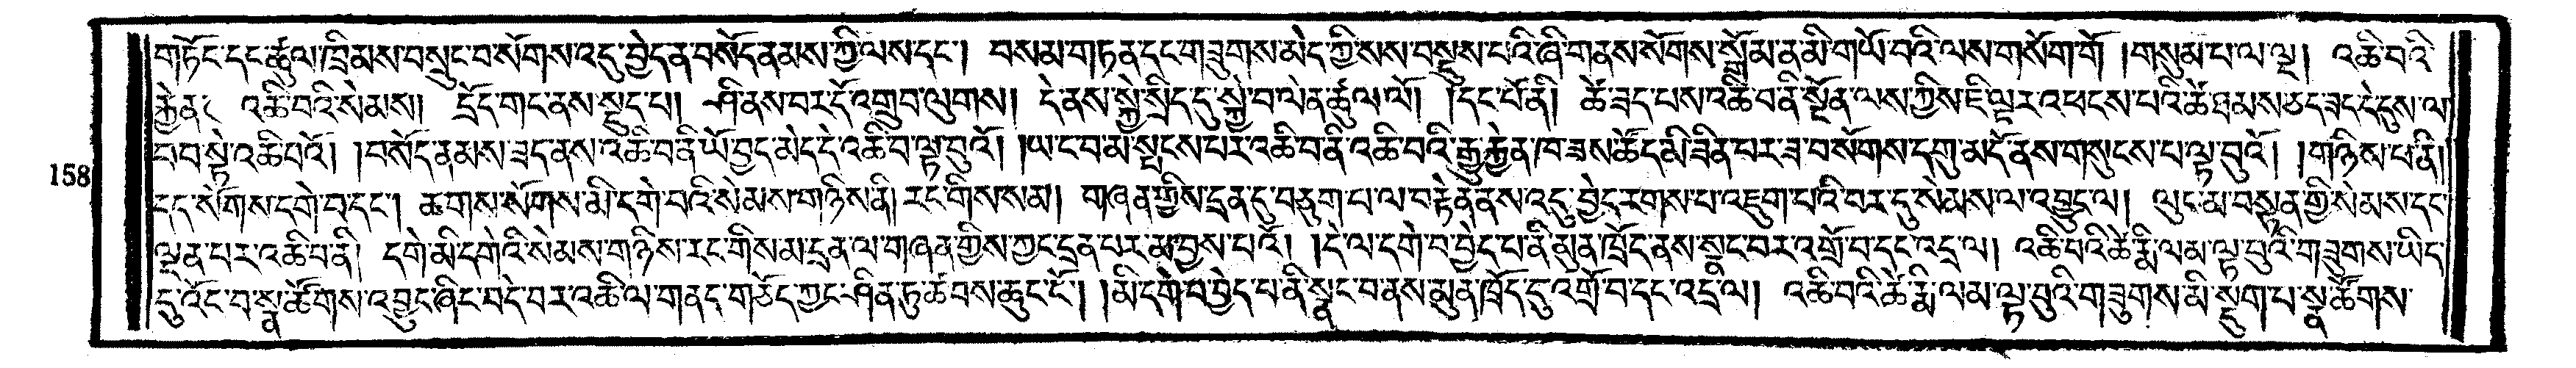གཏོང་དང་ཚུལ་ཁྲིམས་བསྲུང་བ་སོགས་འདུ་བྱེད་ན་བསོད་ནམས་ཀྱི་ལས་དང་། བསམ་གཏན་དང་གཟུགས་མེད་ཀྱི་སས་བསྡུས་པའི་ཞི་གནས་སོགས་སྒོམ་ན་མི་གཡོ་བའི་ལས་གསོག་གོ། །གསུམ་པ་ལ་ལྔ། འཆི་བའི་
རྐྱེན། འཆི་བའི་སེམས། དྲོད་གང་ནས་སྡུད་པ། ཤིན་ནས་བར་དོ་འགྲུབ་ལུགས། དེ་ནས་སྐྱེ་སྲིད་དུ་སྐྱེ་བ་ལེན་ཚུལ་ལོ། །དང་པོ་ནི། ཚེ་ཟད་པས་འཆི་བ་ནི་སྔོན་ལས་ཀྱིས་ཇི་ལྟར་འཕངས་པའི་ཚེ་ཐམས་ཅད་ཟད་དེ་དུས་ལ་
བབ་སྟེ་འཆི་བའོ། །བསོད་ནམས་ཟད་ནས་འཆི་བ་ནི་ཡོ་བྱད་མེད་དེ་འཆི་བ་ལྟ་བུའོ། །ཡ་ང་བ་མ་སྤངས་པར་འཆི་བ་ནི་འཆི་བའི་རྒྱུ་རྐྱེན་ཁ་ཟས་ཚོད་མི་ཟིན་པར་ཟ་བསོགས་དགུ་མདོ་ནས་གསུངས་པ་ལྟ་བུའོ། །གཉིས་པ་ནི།
དད་སོགས་དགེ་བ་དང་། ཆགས་སོགས་མི་དགེ་བའི་སེམས་གཉིས་ནི། རང་གིས་སམ། གཞན་གྱིས་དྲན་དུ་བཅུག་པ་ལ་བརྟེན་ནས་འདུ་བྱེད་རགས་པ་འཇུག་པའི་བར་དུ་སེམས་ལ་འབྱུང་ལ། ལུང་མ་བསྟན་གྱི་སེམས་དང་
ལྡན་པར་འཆི་བ་ནི། དགེ་མི་དགེའི་སེམས་གཉིས་རང་གིས་མ་དྲན་ལ་གཞན་གྱིས་ཀྱང་དྲན་པར་མ་བྱས་པའོ། །དེ་ལ་དགེ་བ་བྱེད་པ་ནི་མུན་ཁྲོད་ནས་སྣང་བར་འགྲོ་བ་དང་འདྲ་ལ། འཆི་པའི་ཚེ་རྨི་ལམ་ལྟ་བུའི་གཟུགས་ཡིད་
དུ་འོང་བ་སྣ་ཚོགས་འབྱུང་ཞིང་བདེ་བར་འཆི་ལ་གནད་གཅོད་ཀྱང་ཤིན་ཏུ་ཚབས་ཆུང་ངོ། །མི་དགེ་བ་བྱེད་པ་ནི་སྣང་བ་ནས་མུན་ཁྲོད་དུ་འགྲོ་བ་དང་འདྲོ་ལ། འཆི་བའི་ཚེ་རྨི་ལམ་ལྟ་བུའི་གཟུགས་མི་སྡུག་པ་སྣ་ཚོགས་